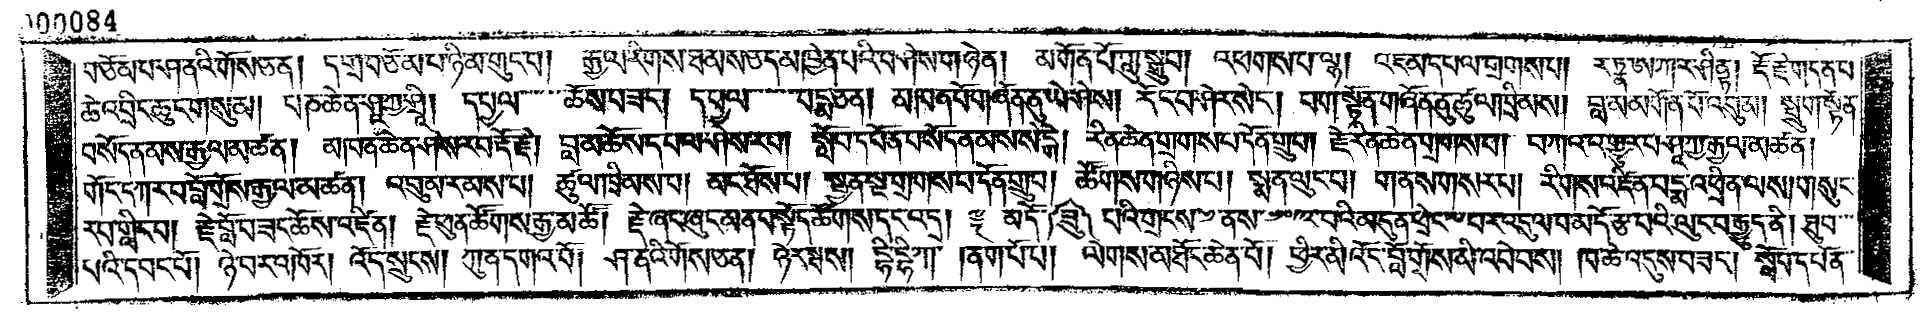བཅོམ་པ་ཤ་ནའི་གོས་ཅན། དགྲ་བཅོམ་པ་ཉི་མ་གུང་བ། རྒྱལ་རིགས་ཐམས་ཅད་མཁྱེན་པའི་བཤེས་གཉེན། མགོན་པོ་ཀླུ་སྒྲུབ། འཕགས་པ་ལྷ། འཇམ་དཔལ་གྲགས་པ། རཏྣ་ཨ་ཀ་ར་ཤིནྟ། རྡོ་རྗེ་གདན་པ་
ཆེ་འབྲིང་ཆུང་གསུམ། པཎ་ཆེན་ཤཱཀྱ་ཤྲཱི། དཔྱལ་ཆོས་བཟང་། དཔྱལ་པདམ་ཅན། མཁན་པོ་གཞོན་ནུ་ཡེ་ཤེས། རོང་བ་ཤེར་སེང་། བག་སྟོན་གཞོན་ནུ་ཚུལ་ཁྲིམས། བླ་མ་མགོན་པོ་འབུམ། སྤྲུག་སྟོན་
བསོད་ནམས་རྒྱལ་མཚན། མཁན་ཆེན་ཤེས་རབ་རྡོ་རྗེ། བླ་མ་ཆོས་དཔལ་ཤེས་རབ། སློབ་དཔོན་བསོད་ནམས་སེངྒེ། རིན་ཆེན་གྲགས་པ་དོན་གྲུབ། རྗེ་རིན་ཆེན་གྲགས་པ། བཀའ་འགྱུར་པ་ཤཱཀྱ་རྒྱལ་མཚན།
གོང་དཀར་བ་བློ་གྲོས་རྒྱལ་མཚན། འབུམ་རམས་པ། ཚུལ་ཁྲིམས་པ། མང་ཐོས་པ། སྤྱན་སྔ་གྲགས་པ་དོན་གྲུབ། ཚོགས་གཉིས་པ། སྨན་ལུང་པ། གནས་གསར་པ། རིགས་འཛིན་པདམ་འཕྲིན་ལས་།གསུང་
རབ་གླིང་བ། རྗེ་བློ་བཟང་ཆོས་འཛིན། རྗེ་ཕུན་ཚོགས་རྒྱ་མཚོ། རྗེ་ཞང་ཞུང་མན་བསྟོད་ཚོགས་དང་འདྲ། ༈ མདོ ༼ཟུ༽ པའི་གྲངས ༡་ནས ༡༠༣་པའི་མདུན་ཕྲེང ༧་བར་འདུལ་བ་མདོ་རྩ་བའི་ལུང་བརྒྱུད་ནི། ཐུབ་
པའི་དབང་པོ། ཉེ་བར་འཁོར། འོད་སྲུངས། ཀུན་དགའ་བོ། ཤ་ནའི་གོས་ཅན། ཉེར་སྦས། དྷི་དྷི་ཀ །ནག་པོ་པ། ལེགས་མཐོང་ཆེན་པོ། ཕྱིར་མི་འོང་བློ་གྲོས་མི་འབེབས། ཁ་ཆེ་འདུས་བཟང་། སློབ་དཔོན་